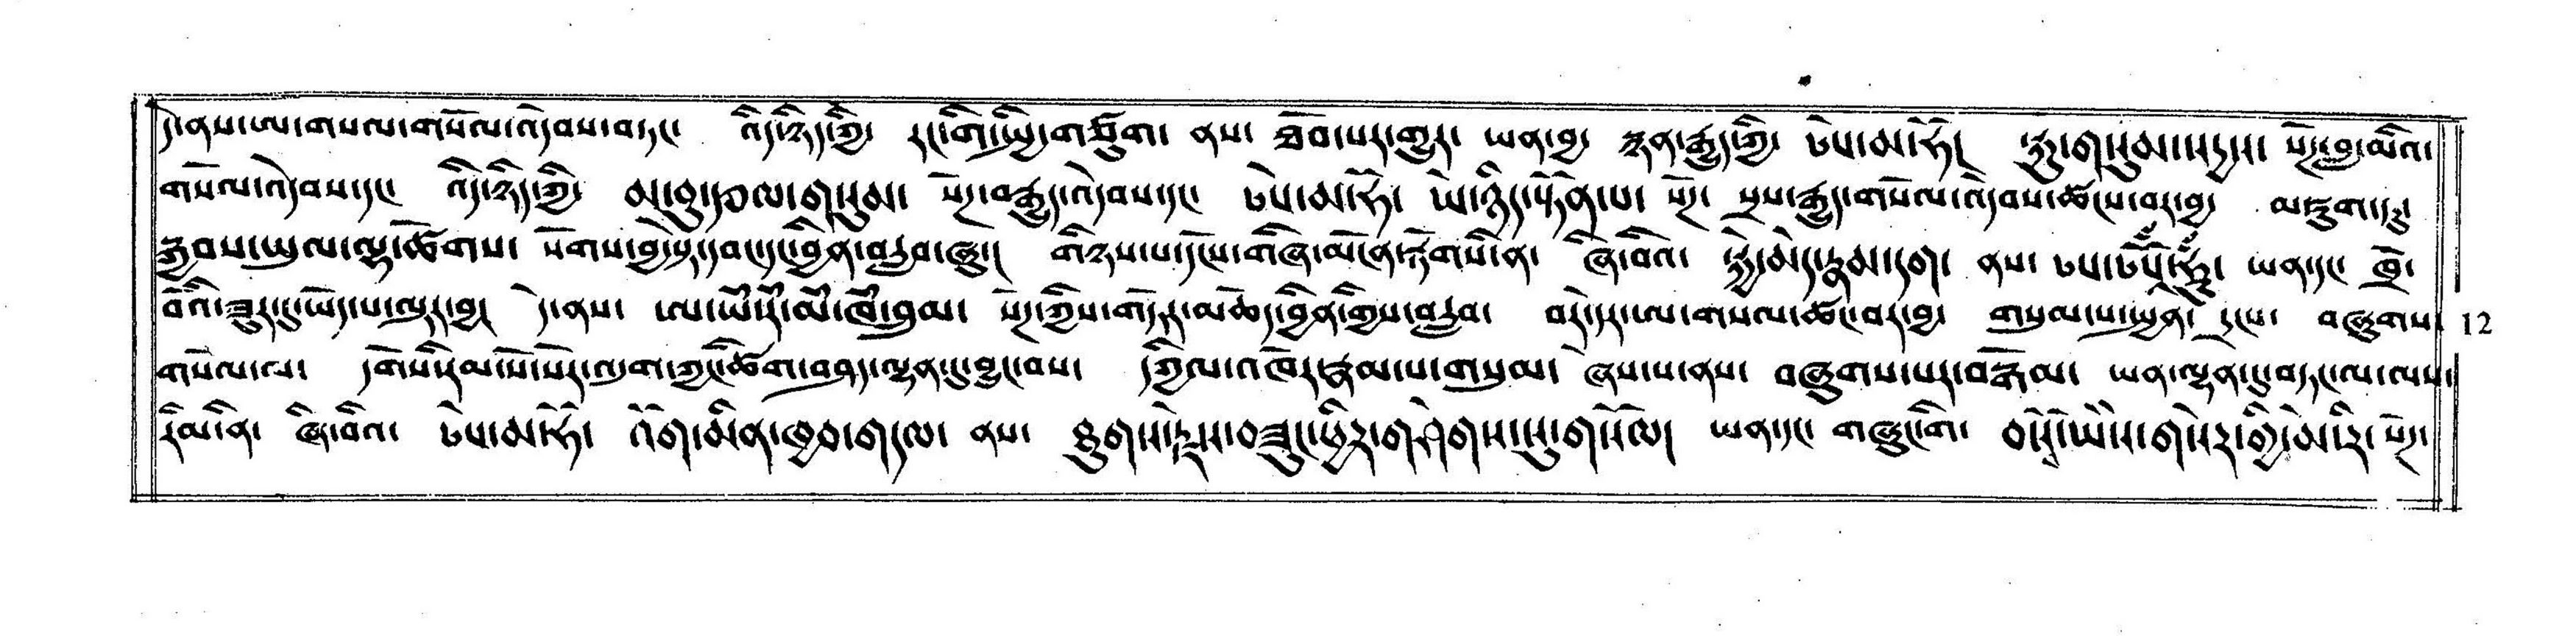དེ་ནས་ཨ་གསལ་གསོལ་འདེབས་བཏང་། འདི་ཉིད་ཀྱི་རང་གི་སྤྱི་གཙུག་ནས་ཐོབ་པར་གྱུར་ཡན་བྱ་སྙན་རྒྱུད་ཀྱི་ཨེ་མ་ཧོ། སྐུ་གསུམ་སངས་རྒྱས་སོགས་བླ་མའི་
གསོལ་འདེབས་དང་འདི་ཉིད་ཀྱི་མུ་བུ་རྩལ་གསུམ་སོགས་བརྒྱུད་འདེབས་དང་ཨེ་མ་ཧོ་ཡེ་ཉིད་སྟོན་པ་སོགས་སྲས་རྒྱུད་གསོལ་འདེབས་ཚངས་བར་བྱ་མཇུག་ཏུ་
སྐྱབས་ཡུལ་ལྷ་ཚོགས་སོགས་བྱ་སྟེ་དབང་དང་བྱིན་བརླབ་ཞུ། གཉིས་པ་དངོས་གཞི་མངོན་རྟོགས་ནི་ཞི་བའི་སྐྱེ་མེད་རྣམ་དག་ནས་ཨ་ཨཱོཾ་ཧཱུྃ་ཡན་དང་ཁྲོ་
བོའི་ཟུར་དུ་ཡོད་པ་ལྟར་བྱ། དེ་ནས་ཨ་ཡཾ་རཾ་མཾ་ཁཾ་བྲུམ་སོགས་ཀྱིས་གཏོར་མཆོད་བྱིན་གྱིས་བརླབ་བར་དེར་ཨ་གསལ་ཚང་བར་བྱ། གསུམ་པ་སྤྱན་དྲངས་བཞུགས་
གསོལ་ལ་དགོས་རིམ་སོ་སོར་འདུག་ཀྱང་ཚིག་བཤད་ལྷན་དུ་བྱུང་བས་དཀྱིལ་འཁོར་རྣམ་པ་གསུམ་ཞེས་པ་ནས་བཞུགས་པར་བསྒོམ་ཡན་ལྷན་དུ་བཏང་ལ་ལས་
རིམ་ནི་ཞི་བའི་ཨེ་མ་ཧོ་འོག་མིན་ཁྱབ་གདལ་ནས་ཐུགས་རྗེས་བཟུང་ཕྱིར་གཤེགས་སུ་གསོལ། ཡན་དང་གཞུང་གི་བསྭོ་ཡེ་ཤེས་གསེར་གྱི་མེ་རི་སོགས་